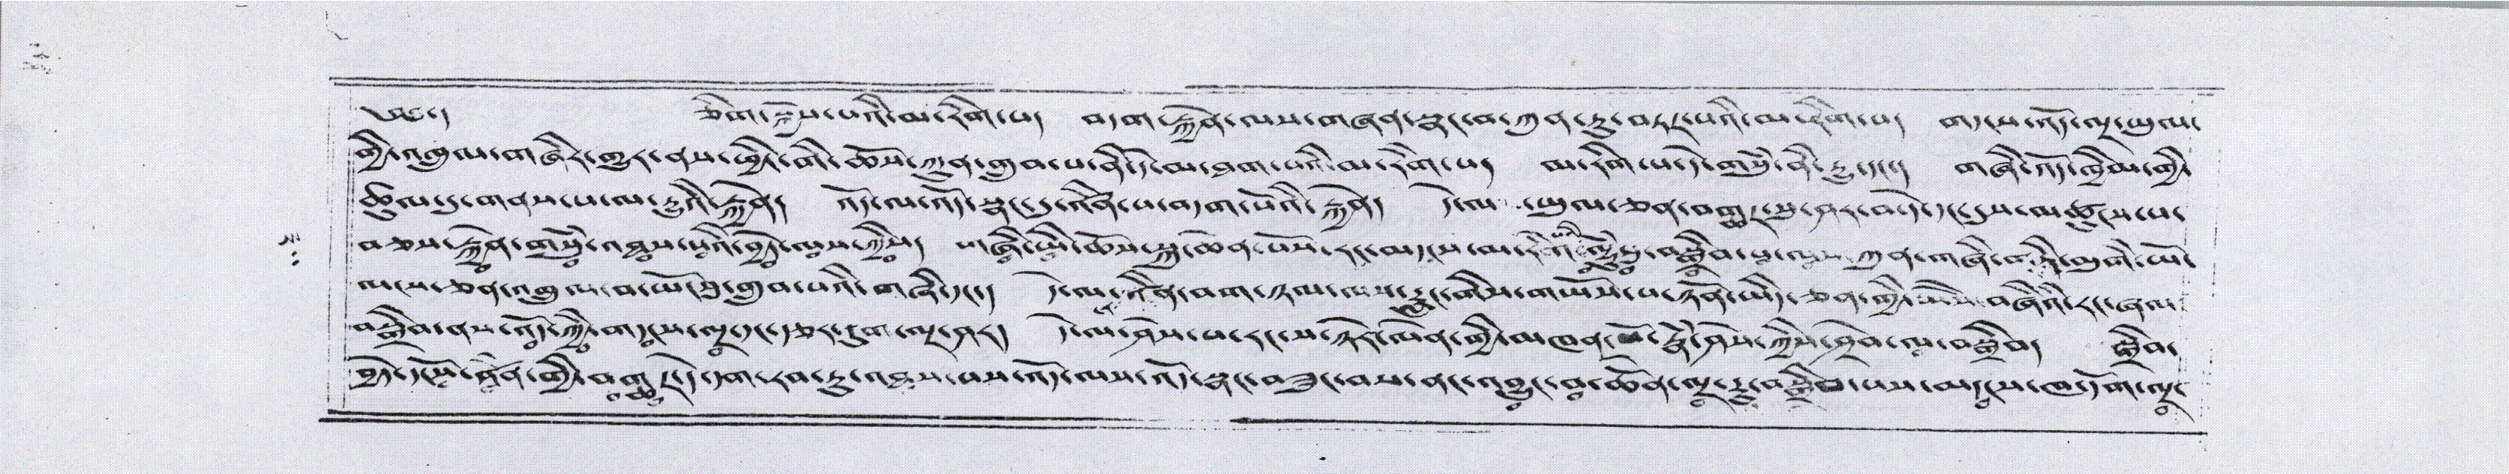ཅིག་སྐྱེས་པའི་མ་རིག་པ། བདག་རྐྱེན་ལས་གཞན་སྣང་བ་ཀུན་ཏུ་བཏགས་པའི་མ་རིག་པ། གདངས་འོད་ལྔ་ཡུལ་
གྱི་འཁྲུལ་གཞིར་གྱུར་ནས་ཕྱི་ནང་གི་ཅོས་ཀུན་གྲུབ་པ་ནི་དེ་མ་ཐག་པའི་མ་རིག་པ། མ་རིག་པ་དེ་གསུམ་ནི་རྒྱུ་དང་། གཞི་འོད་ཁྱིམ་གྱི་
ཚུལ་དུ་གནས་པ་ལ་རྒྱུའི་རྐྱེན། འོད་ལ་འོད་སྣང་དུ་འཛིན་པ་བདག་པོའི་རྐྱེན། དེ་ལ་ཡུལ་རྐྱེན་བག་ཆགས་སུ་ཤར་བ་དེ་དང་དུས་མཚུངས་པ་
བཅས་རྐྱེན་གསུམ་འཐས་པའི་བྱེད་ལས་ཀྱིས། གཞིའི་ཆོས་སྐུ་ཆེན་པོས་རང་མདངས་མ་རིག་པའི་ལྷུམས་སུ་བསྒྲིབས་པ་ལས་ཀུན་གཞི་གཏི་མུག་གི་ཡོ་
ལངས་ཅན་འཁྲུལ་པ་ཡོངས་སུ་གྲུབ་པའི་གཞི་དང་། དེ་ལ་ངར་འཛིན་བག་ཉལ་ལས་རླུང་གིས་གཡོས་པ་ཉོན་ཡིད་ཅན་གྱི་ཡེ་ཤེས་གཞིའི་རང་ཞལ་
བསྒྲིབས་ནས་འོད་ཀྱི་གདངས་ལྔ་དང་རྩལ་དུག་ལྔ་ཤར། དེ་ལ་ཤེས་པ་རང་ས་ཉེར་ལེན་གྱི་མཁན་པོ་རྣམ་ཤེས་ཀྱིས་ཤེས་རབ་ལ་བསྒྲིབས། སྒྲིབ་
བྱེད་དངོས་འཛིན་གྱི་བག་ཆགས་དེ་དག་རབ་ཏུ་འཐས་པས་འོད་ལས་འོད་སྣང་བཟུང་བས་ནང་འབྱུང་བ་ཆེན་པོ་ལྔ་རུ་བསྒྲིབས་པས་མདངས་ཁ་དོག་ལྔ་